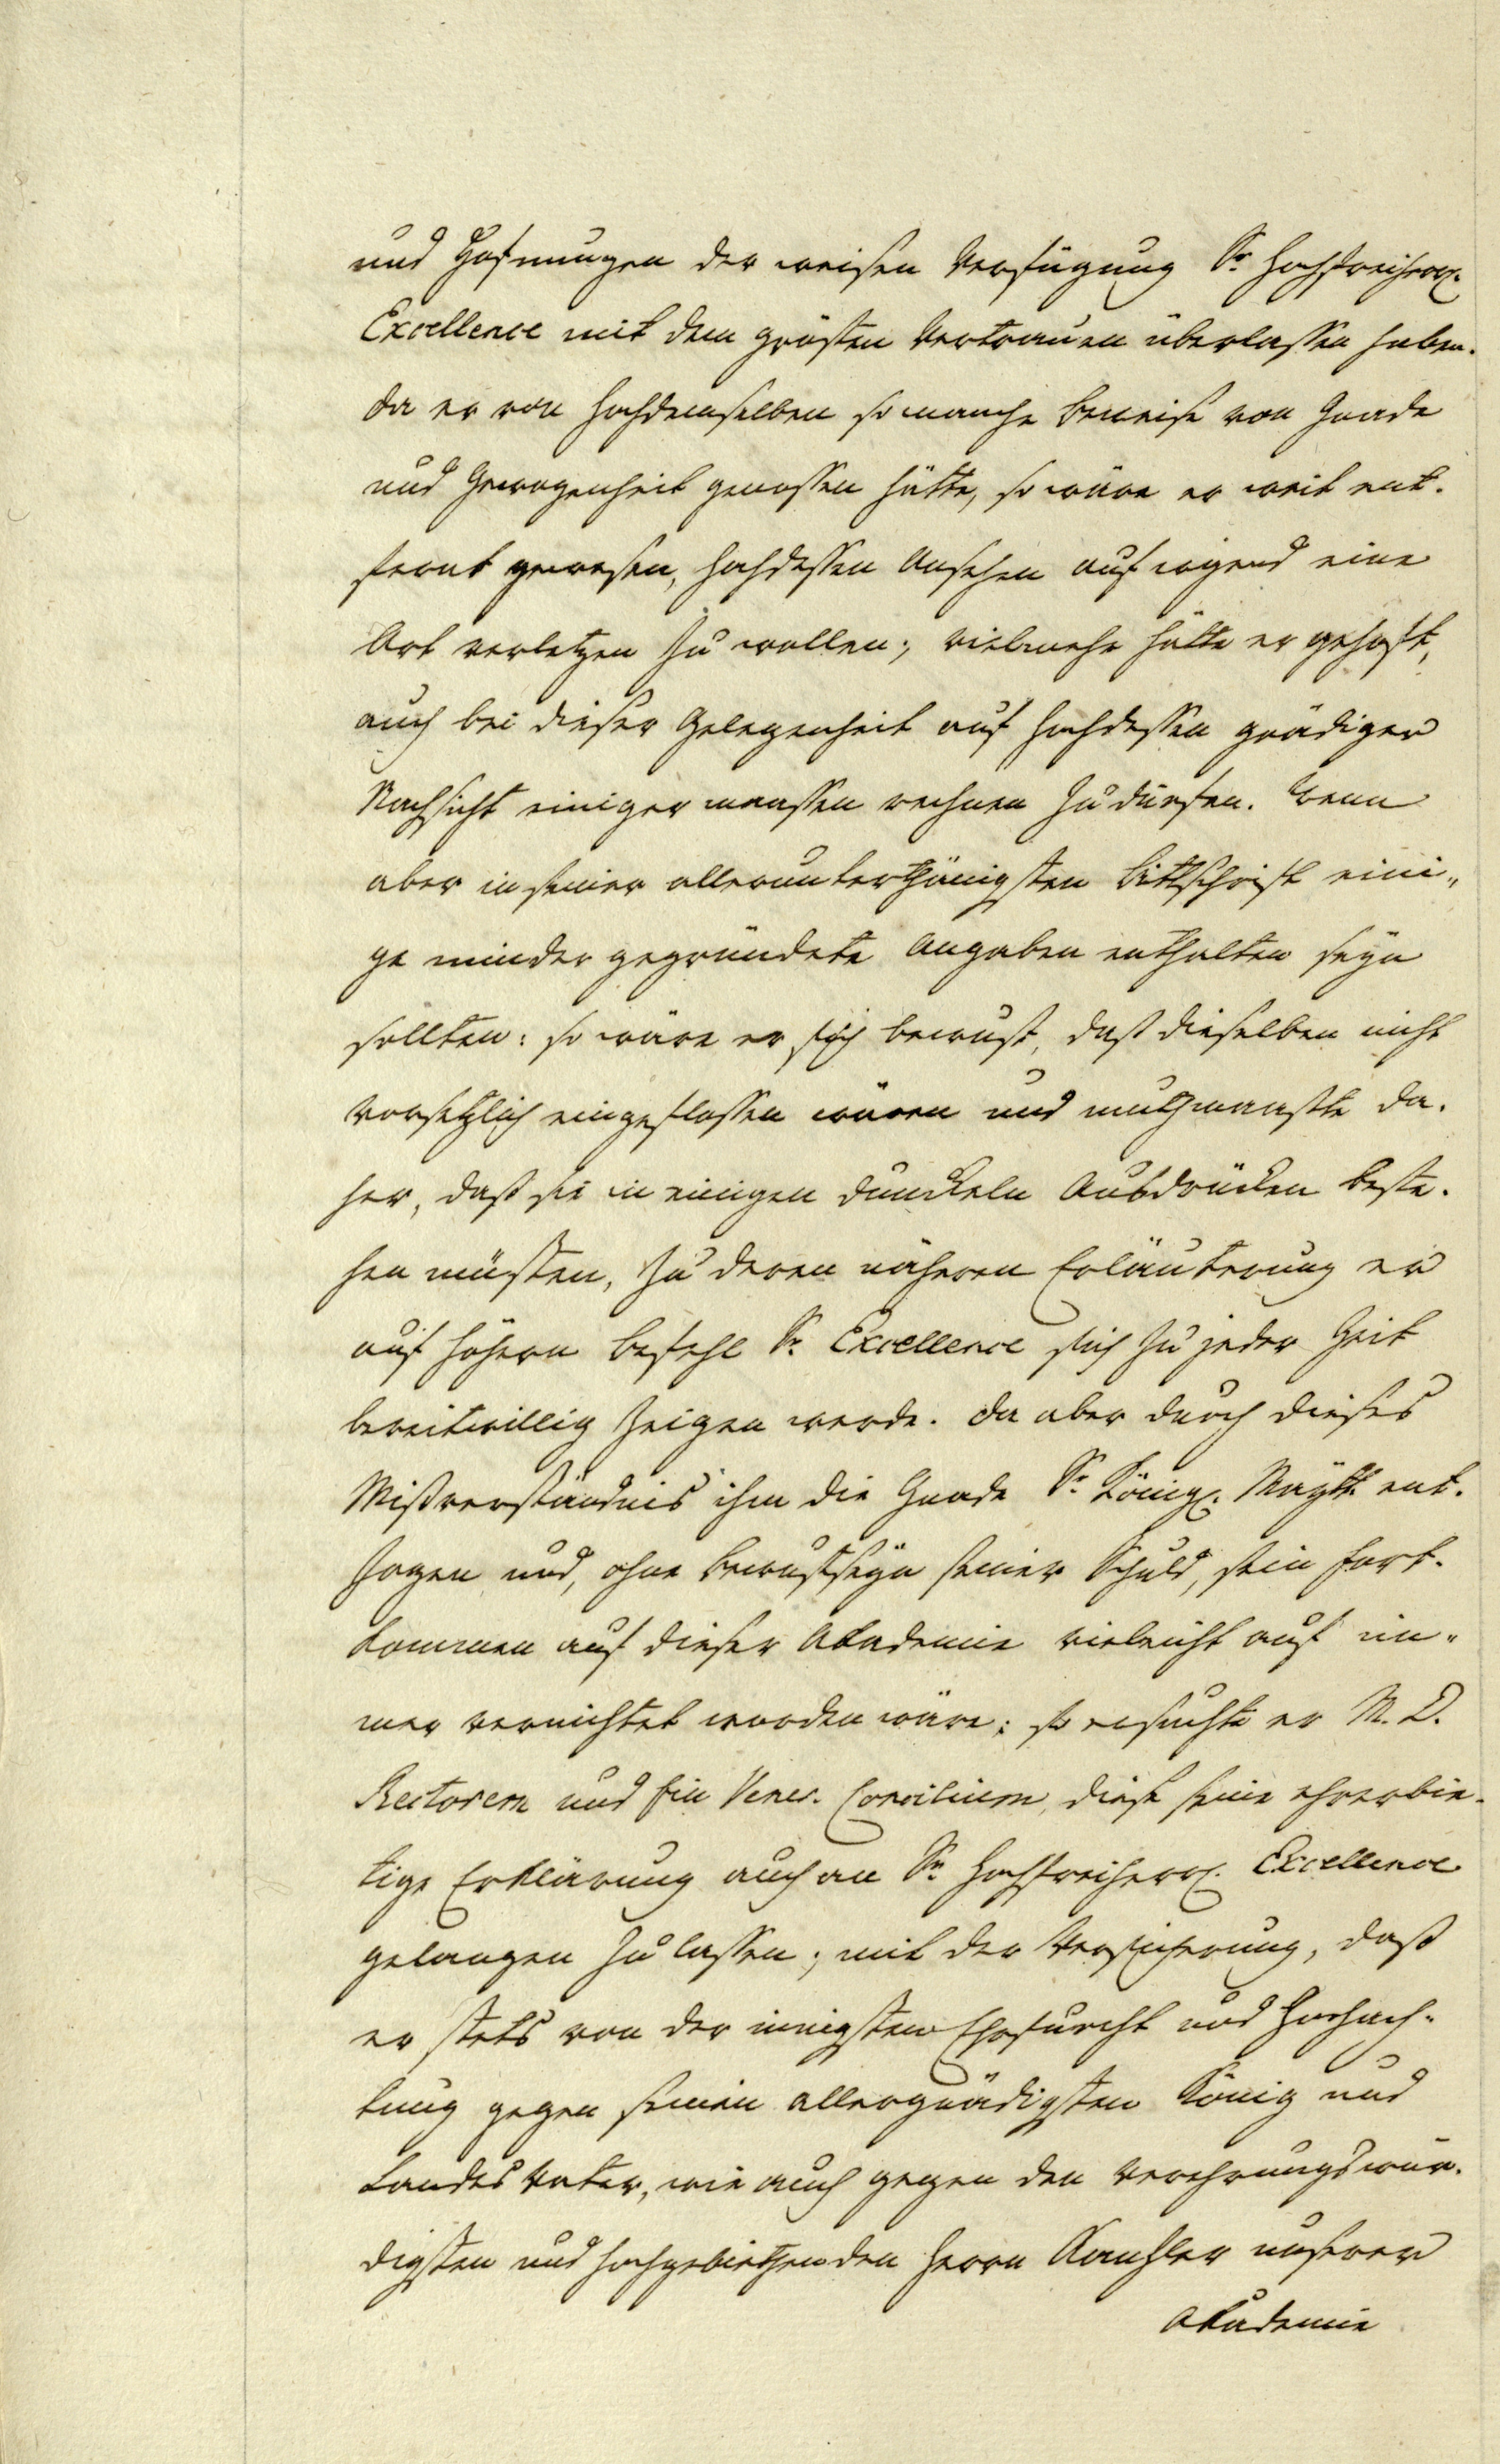und Hofnungen der weisen Verfügung Sr. hochfreiherrl.
Excellence mit dem grösten Vertrauen überlassen haben.
da er von Hochdemselben so manche Beweise von Gnade
und Gewogenheit genossen hätte, so wäre er weit ent¬
fernt gewesen, hochdessen Ansehen auf irgend eine
Art verletzen zu wollen; vielmehr hätte er gehoft,
auch bei dieser Gelegenheit auf hochdessen gnädiger
Nachsicht einiger maassen rechnen zu dürfen. Wenn
aber in seiner allerunterthänigsten Bittschrift eini¬
ge minder gegründete Angaben enthalten seÿn
sollten, so wäre er sich bewust, daß dieselben nicht
vosetzlich eingeschlossen wären und muthmaaste da¬
her, daß sie in einigen dunckeln Ausdrücken beste¬
hen müsten, zu deren näheren Erläuterung er
auf höhern Befehl Sr. Excellence sich zu jeder Zeit
bereitwillig zeigen werde. da aber durch dieses
Mißverständnis ihm die Gnade Sr. Königl. Maÿtt. ent¬
zogen und ohne Bewustseÿn seiner Schuld, sein Fort¬
kommen auf dieser Akademie vieleicht auf im¬
mer vernichtet worden wäre, so ersuchte er M. D.
Rectorem und Ein Vener. Concilium, diese seine ehrerbie¬
tige Erklärung auch an Sr. Hochfreiherrl. Excellence
gelangen zu lassen, mit der Versicherung, daß
er stets von der innigsten Ehrfurcht und Hochach¬
tung gegen seinen allergnädigsten König und
Landes Vater, wie auch gegen den verehrungswür¬
digsten und hochgebiethenden herrn Kanzler unserer
Akademie